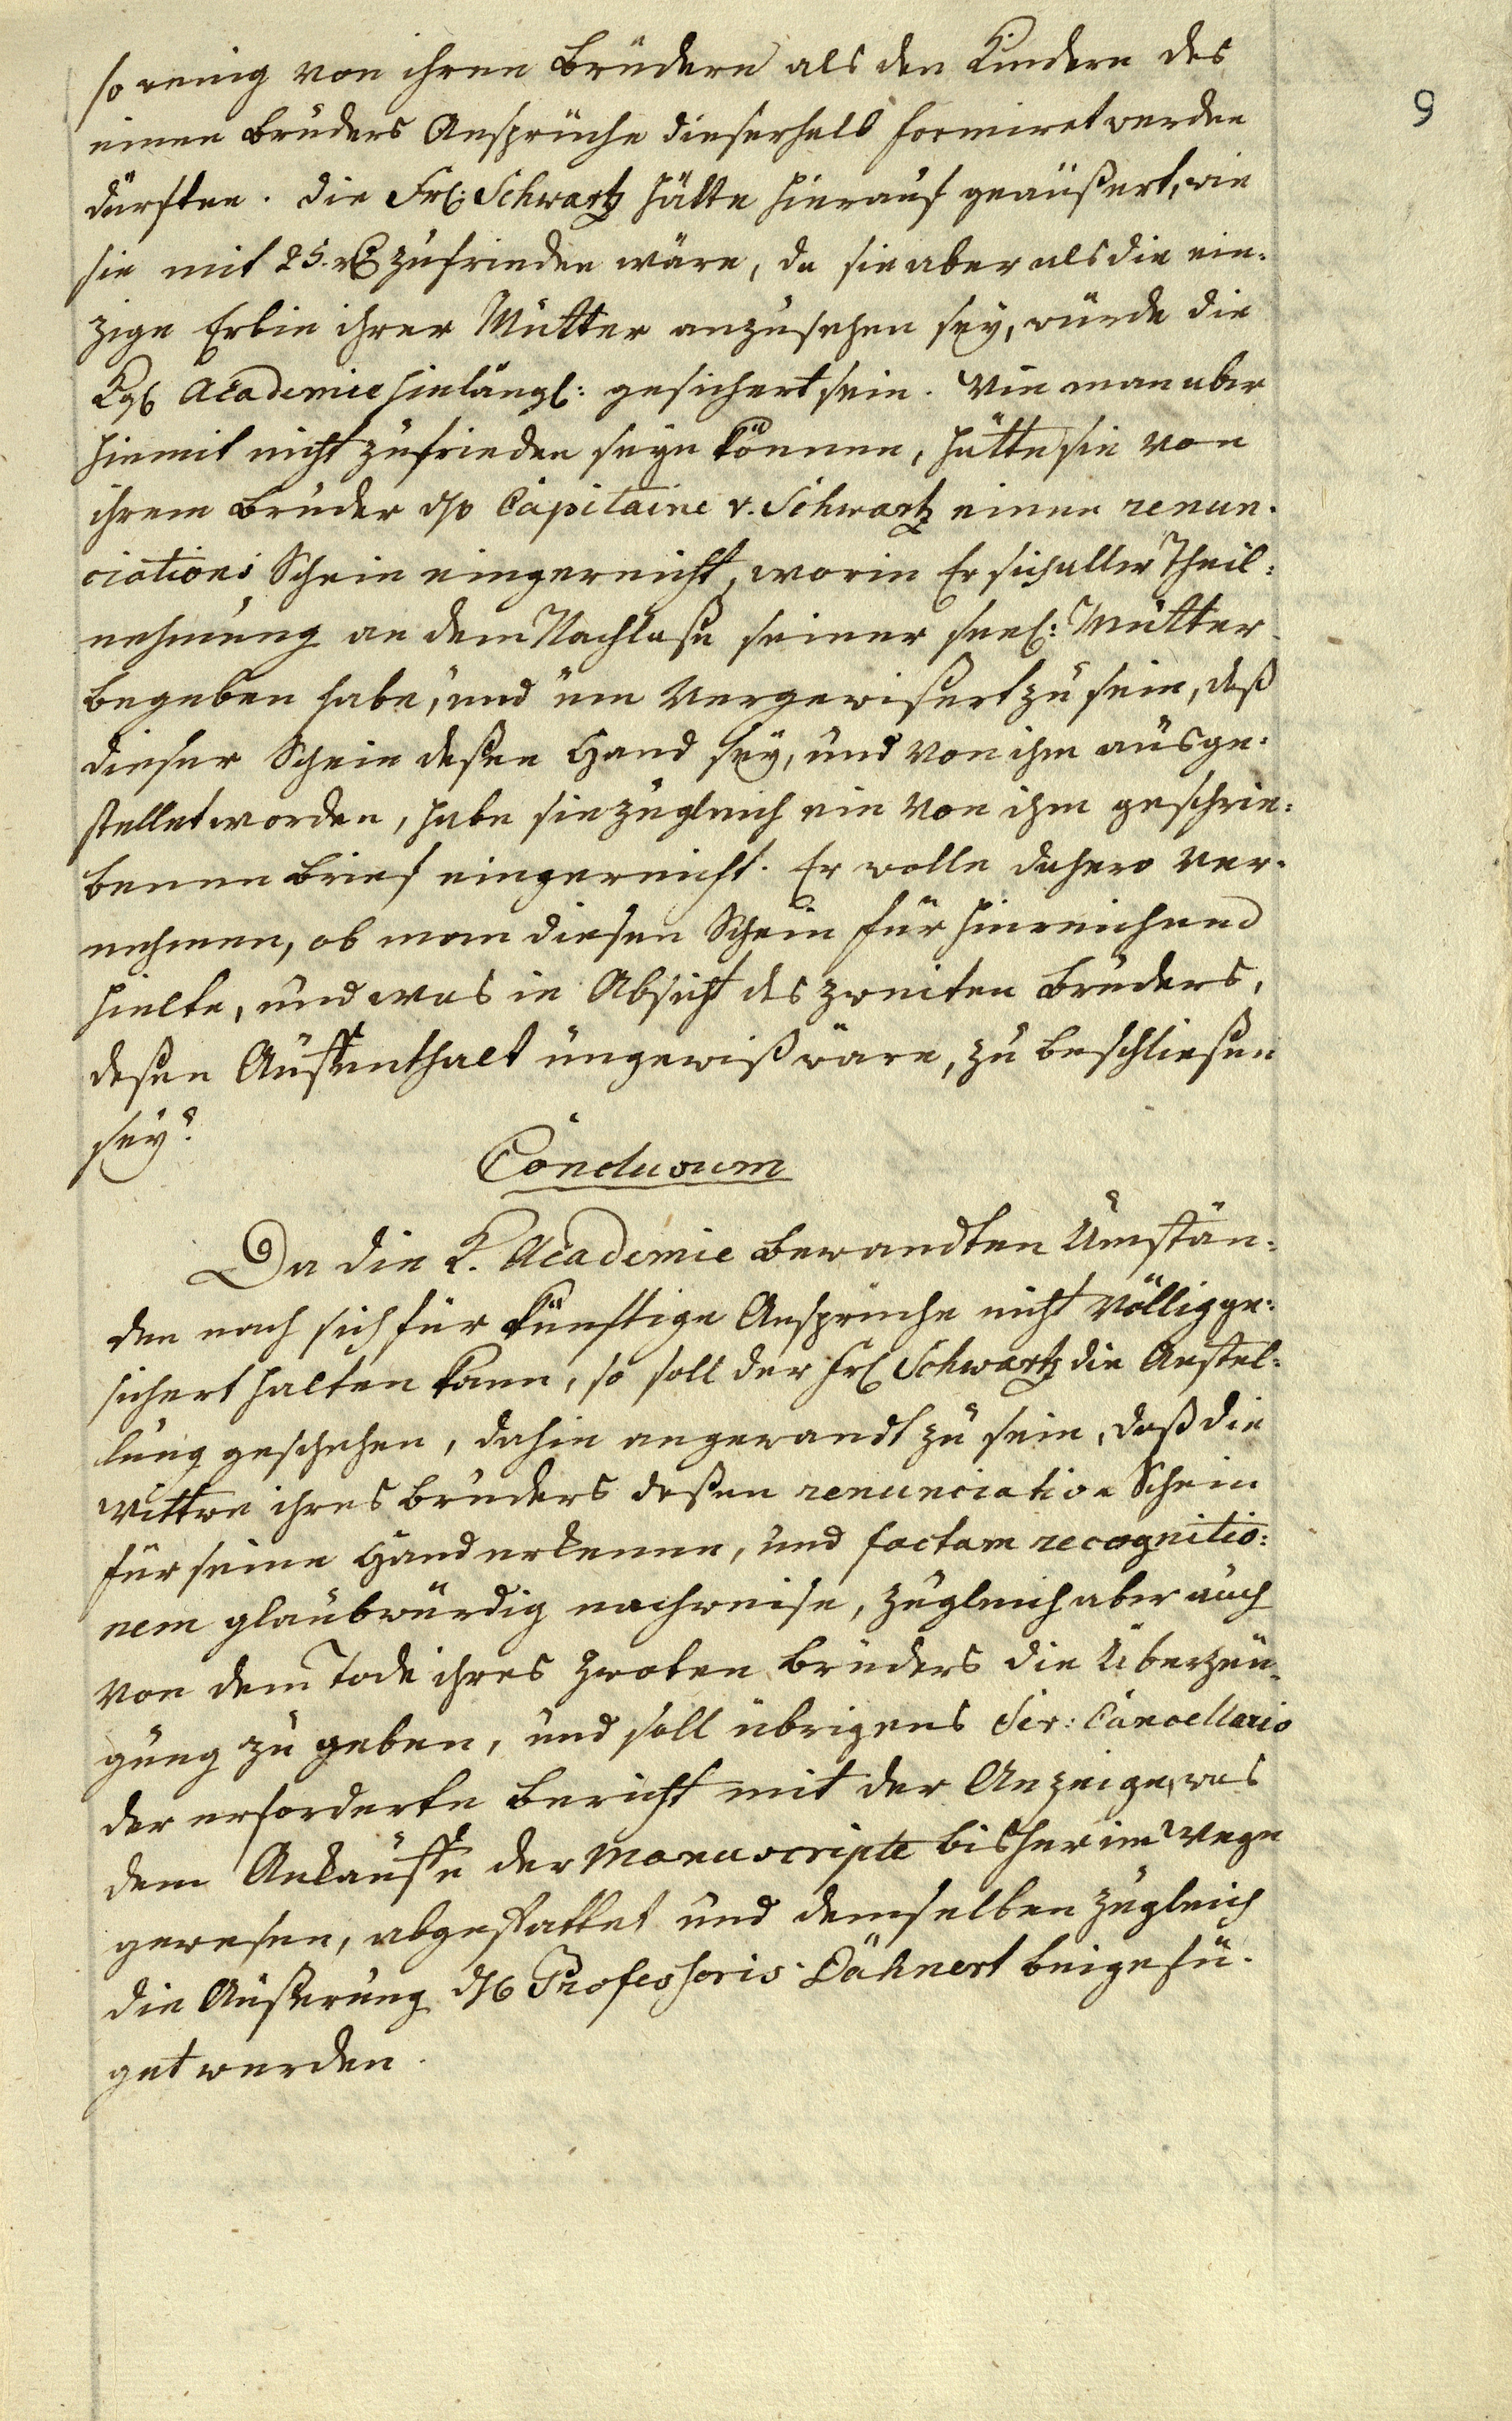so wenig von ihren Brüdern als den Kindern des
einen Bruders Ansprüche dieserhalb formiret werden
dürften. Die Frl. Schwartz hätte hierauf geäußert, wie
sie mit 25 rt. zufrieden wäre, da sie aber als die ein¬
zige Erbin ihrer Mutter anzusehen seÿ, würde die
Kgl. Academie hinlängl. gesichert sein. Wie man aber
hiemit nicht zufrieden seÿn können, hätte sie von
ihrem Bruder dh. Capitaine v. Schwartz einen renun¬
ciations Schein eigereicht, worin Er sich aller Theil¬
nehmung an dem Nachlaße seiner seel. Mutter
begeben habe, und um vergewißert zu sein, daß
dieser Schein deßen Hand seÿ, und von ihm ausge¬
stellet worden, habe sie zugleich ein von ihm geschrie¬
benen Brief eingereicht. Er wolle dahero ver¬
nehmen, ob man diesen Schein für hinreichend
hielte, und was in Absicht des zweiten Bruders,
deßen Auffenthalt ungewiß wäre, zu beschließen
seÿ?
Conclusum
Da die K. Academie bewandten Umstän¬
den nach sich für künftige Ansprüche nicht völlig ge¬
sichert halten kann, so soll der Frl. Schwartz die Anstel¬
lung geschehen, dahin angewandt zu sein, daß die
Wittwe ihres Bruders deßen renunciation Schein
für seine Hand erkennen, und factam recognitio¬
nem glaubwürdig nachweise, zugleich aber auch
von dem Tode ihres zwoten Bruders die Überzeu¬
gung zu geben, und soll übrigens Ser. Cancellario
der erforderte Bericht mit der Anzeige, was
dem Ankauffe der Manuscripte bisher im Wege
gewesen, abgestattet und demselben zugleich
die Äußerung dh. Professoris Dähnert beigefü¬
get werden.